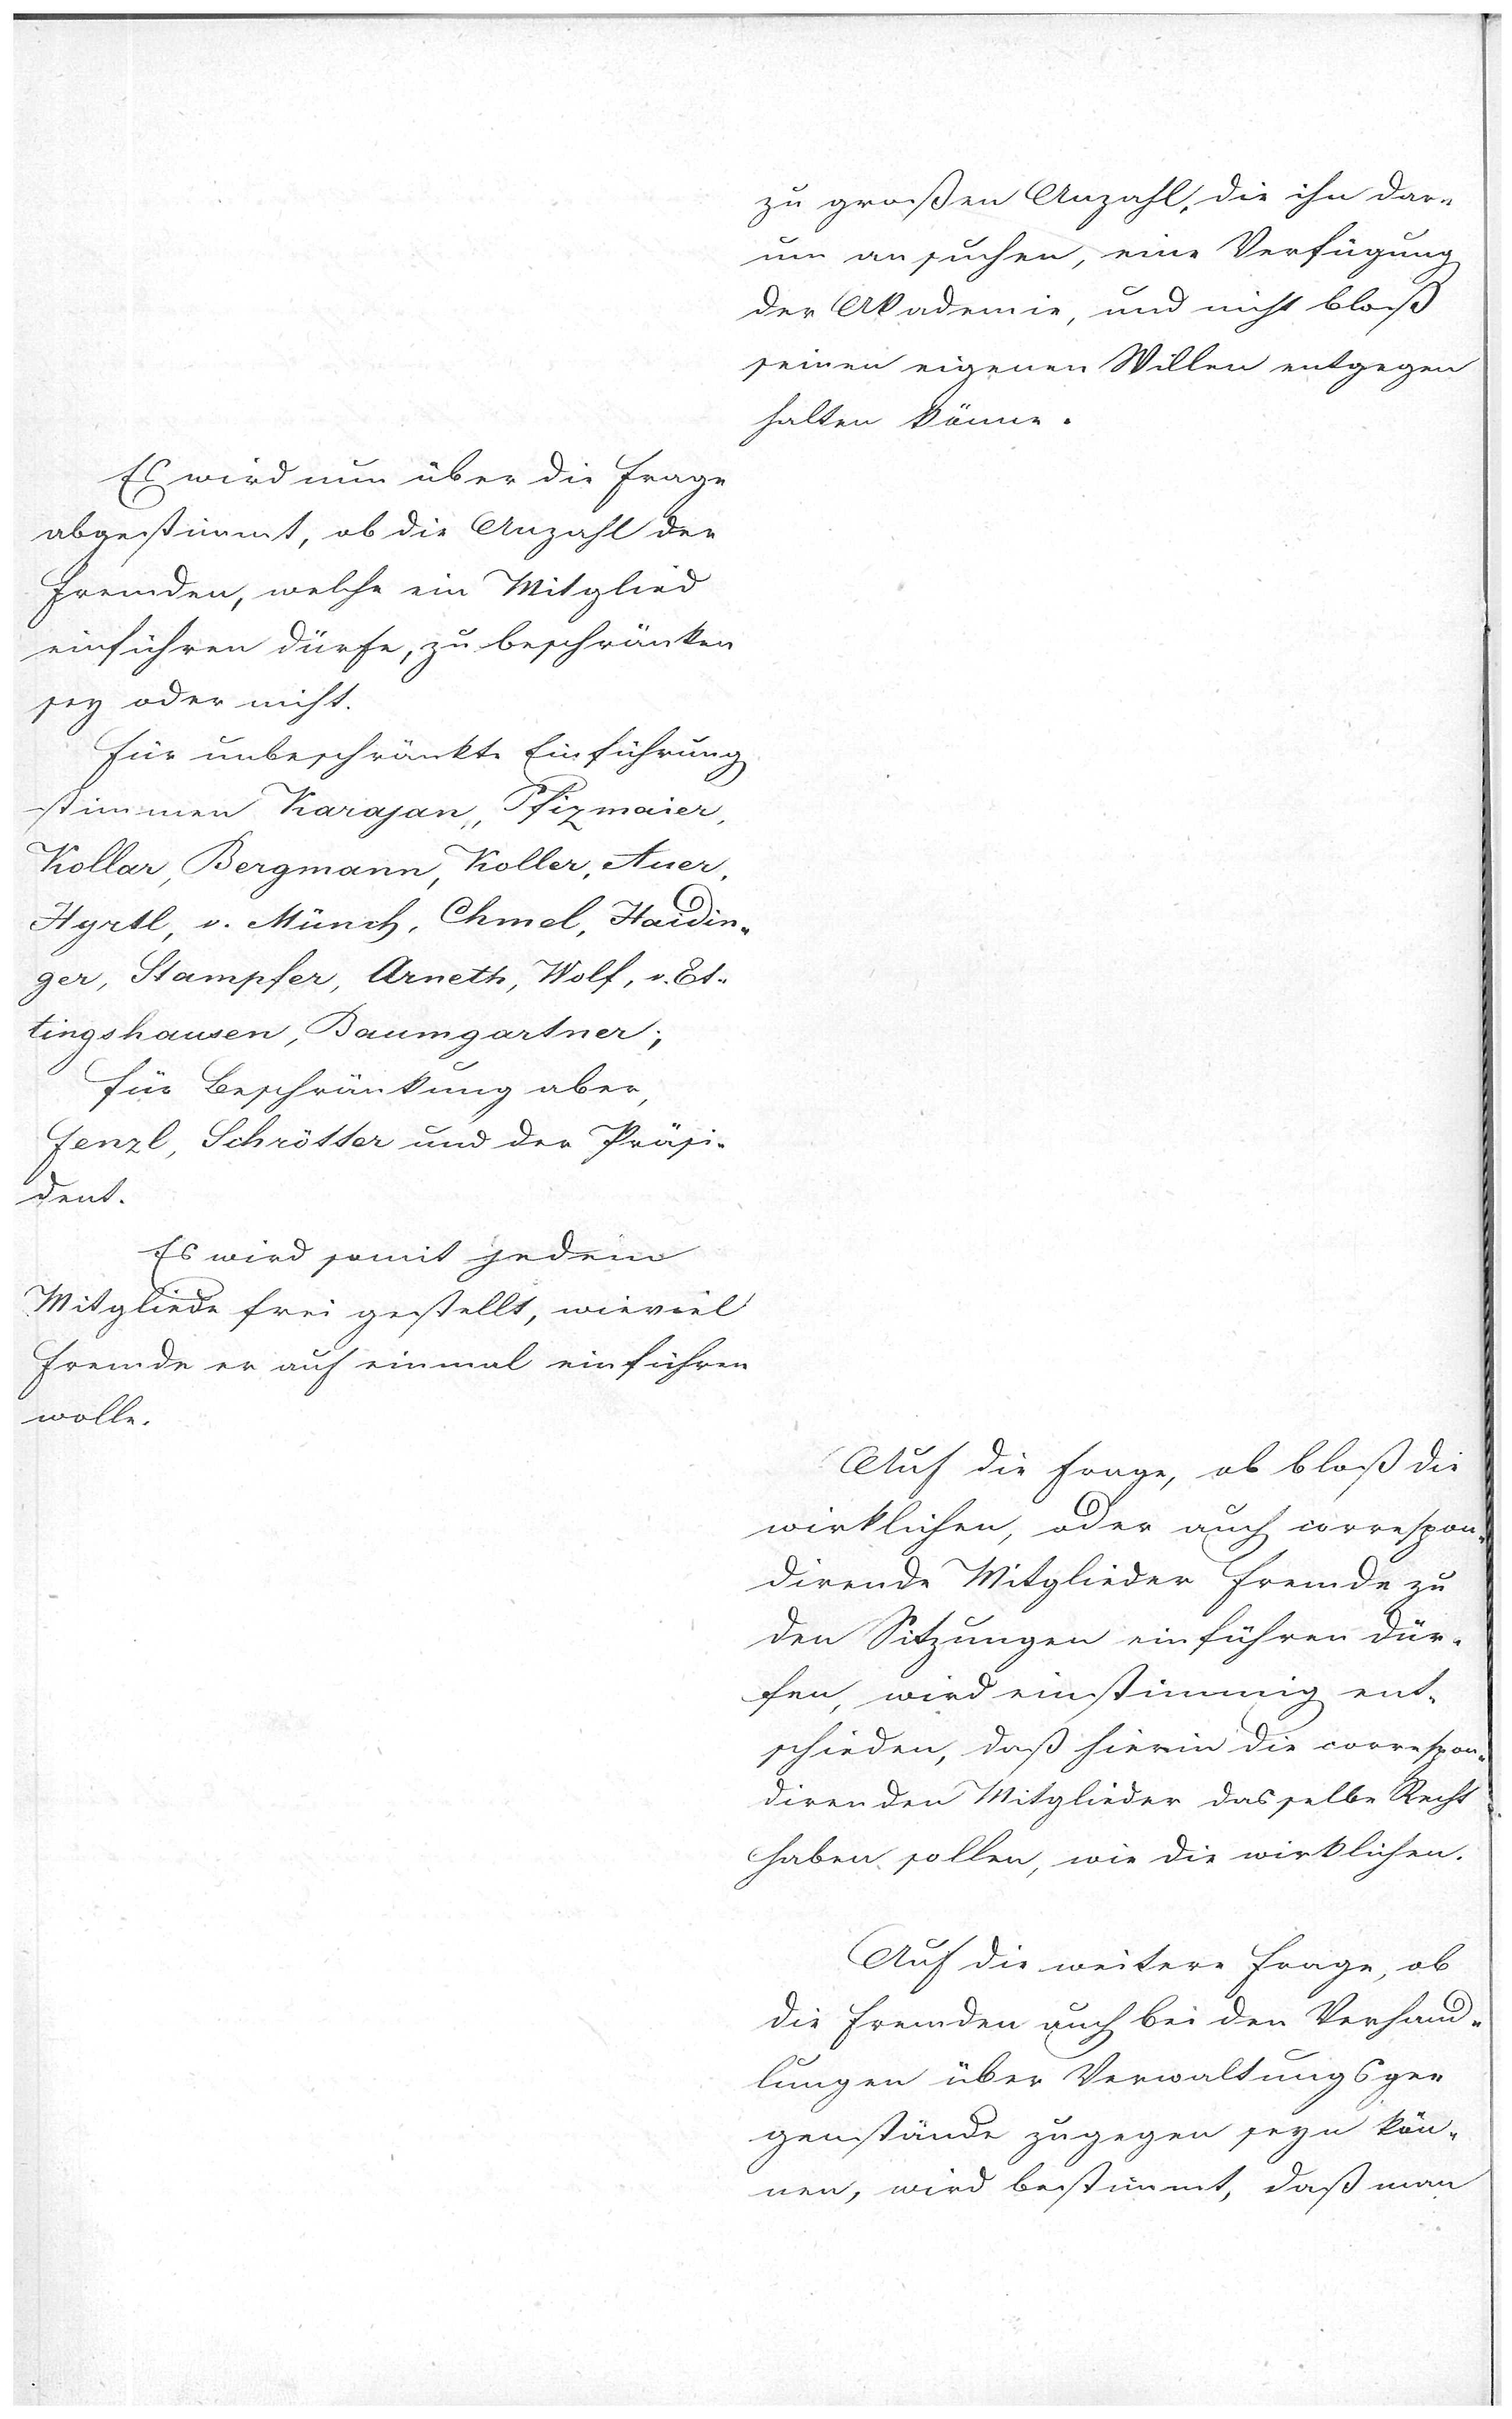zu großen Anzahl, die ihn dar-
um ansuchen, eine Verfügung
der Akademie, und nicht bloß
seinen eigenen Willen entgegen-
halten könne.
Es wird nun über die Frage
abgestimmt, ob die Anzahl der
Fremden, welche ein Mitglied
einführen dürfes, zu beschränken
sey oder nicht.
Für unbeschränkte Einführung
stimmen Karajan Pfizmaier,
Kollar, Bergmann, Koller Auer,
Hyrtl, v. Münch, Chmel, Haidin-
ger, Stampfer, Arneth, Wolf, v. Et-
tingshausen, Baumgartner;
für Beschränkung aber
Fenzl, Schrötter und der Präsi-
dent.
Es wird somit jedem
Mitgliede frei gestellt, wieviel
Fremde er auf einmal einführen
wolle.
Auf die Frage, ob bloß die
wirklichen, oder auch correspon-
dirende Mitglieder Fremde zu
den Sitzungen einführen dür-
fen, wird einstimmig ent-
schieden daß hierin die correspon-
direnden Mitglieder das selbe Recht
haben sollen, wie die wirklichen.
Auf die weitere Frage, ob
die Fremden auch bei den Verhand-
lungen über Verwaltungsge-
genstände zugegen seyn kön-
nen, wird bestimmt, daß man